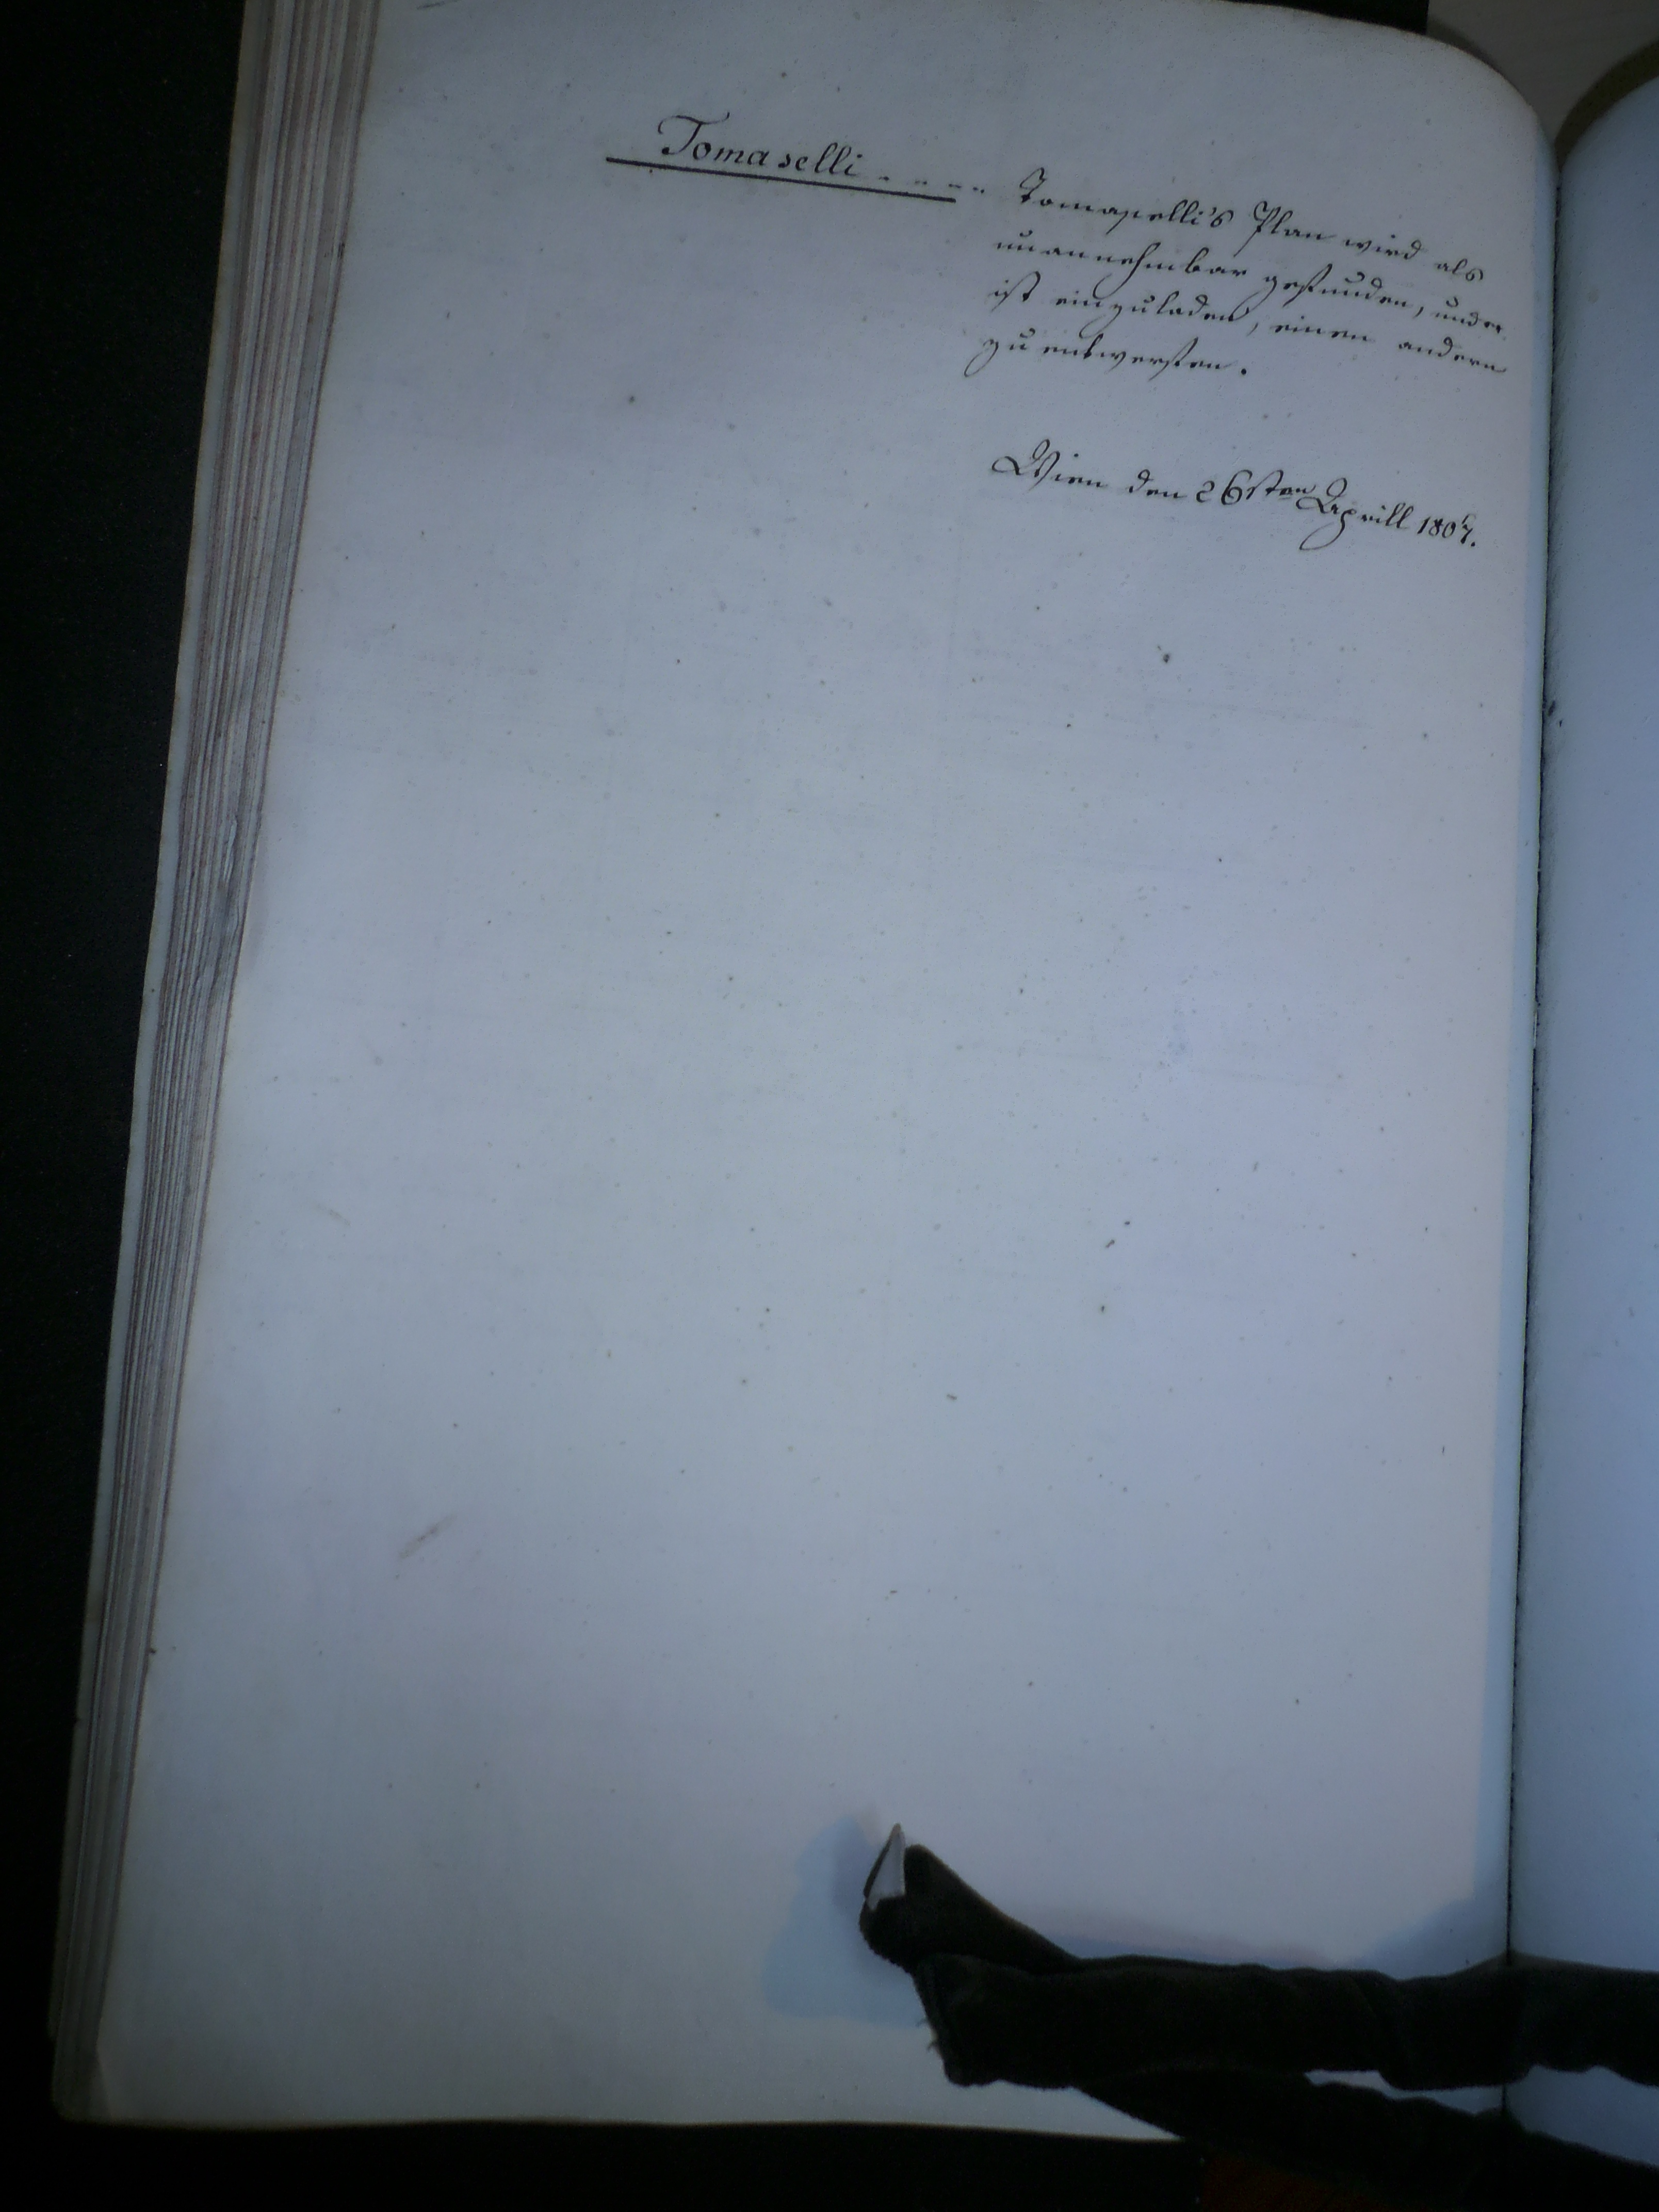Tomaselli .. .. .. .. Tomaselli's Plan wird als
unannehmbar gefunden, und er
ist einzuladen, einen andern
zu entwerfen.
Wien den 26st͇̳en Aprill 1807.